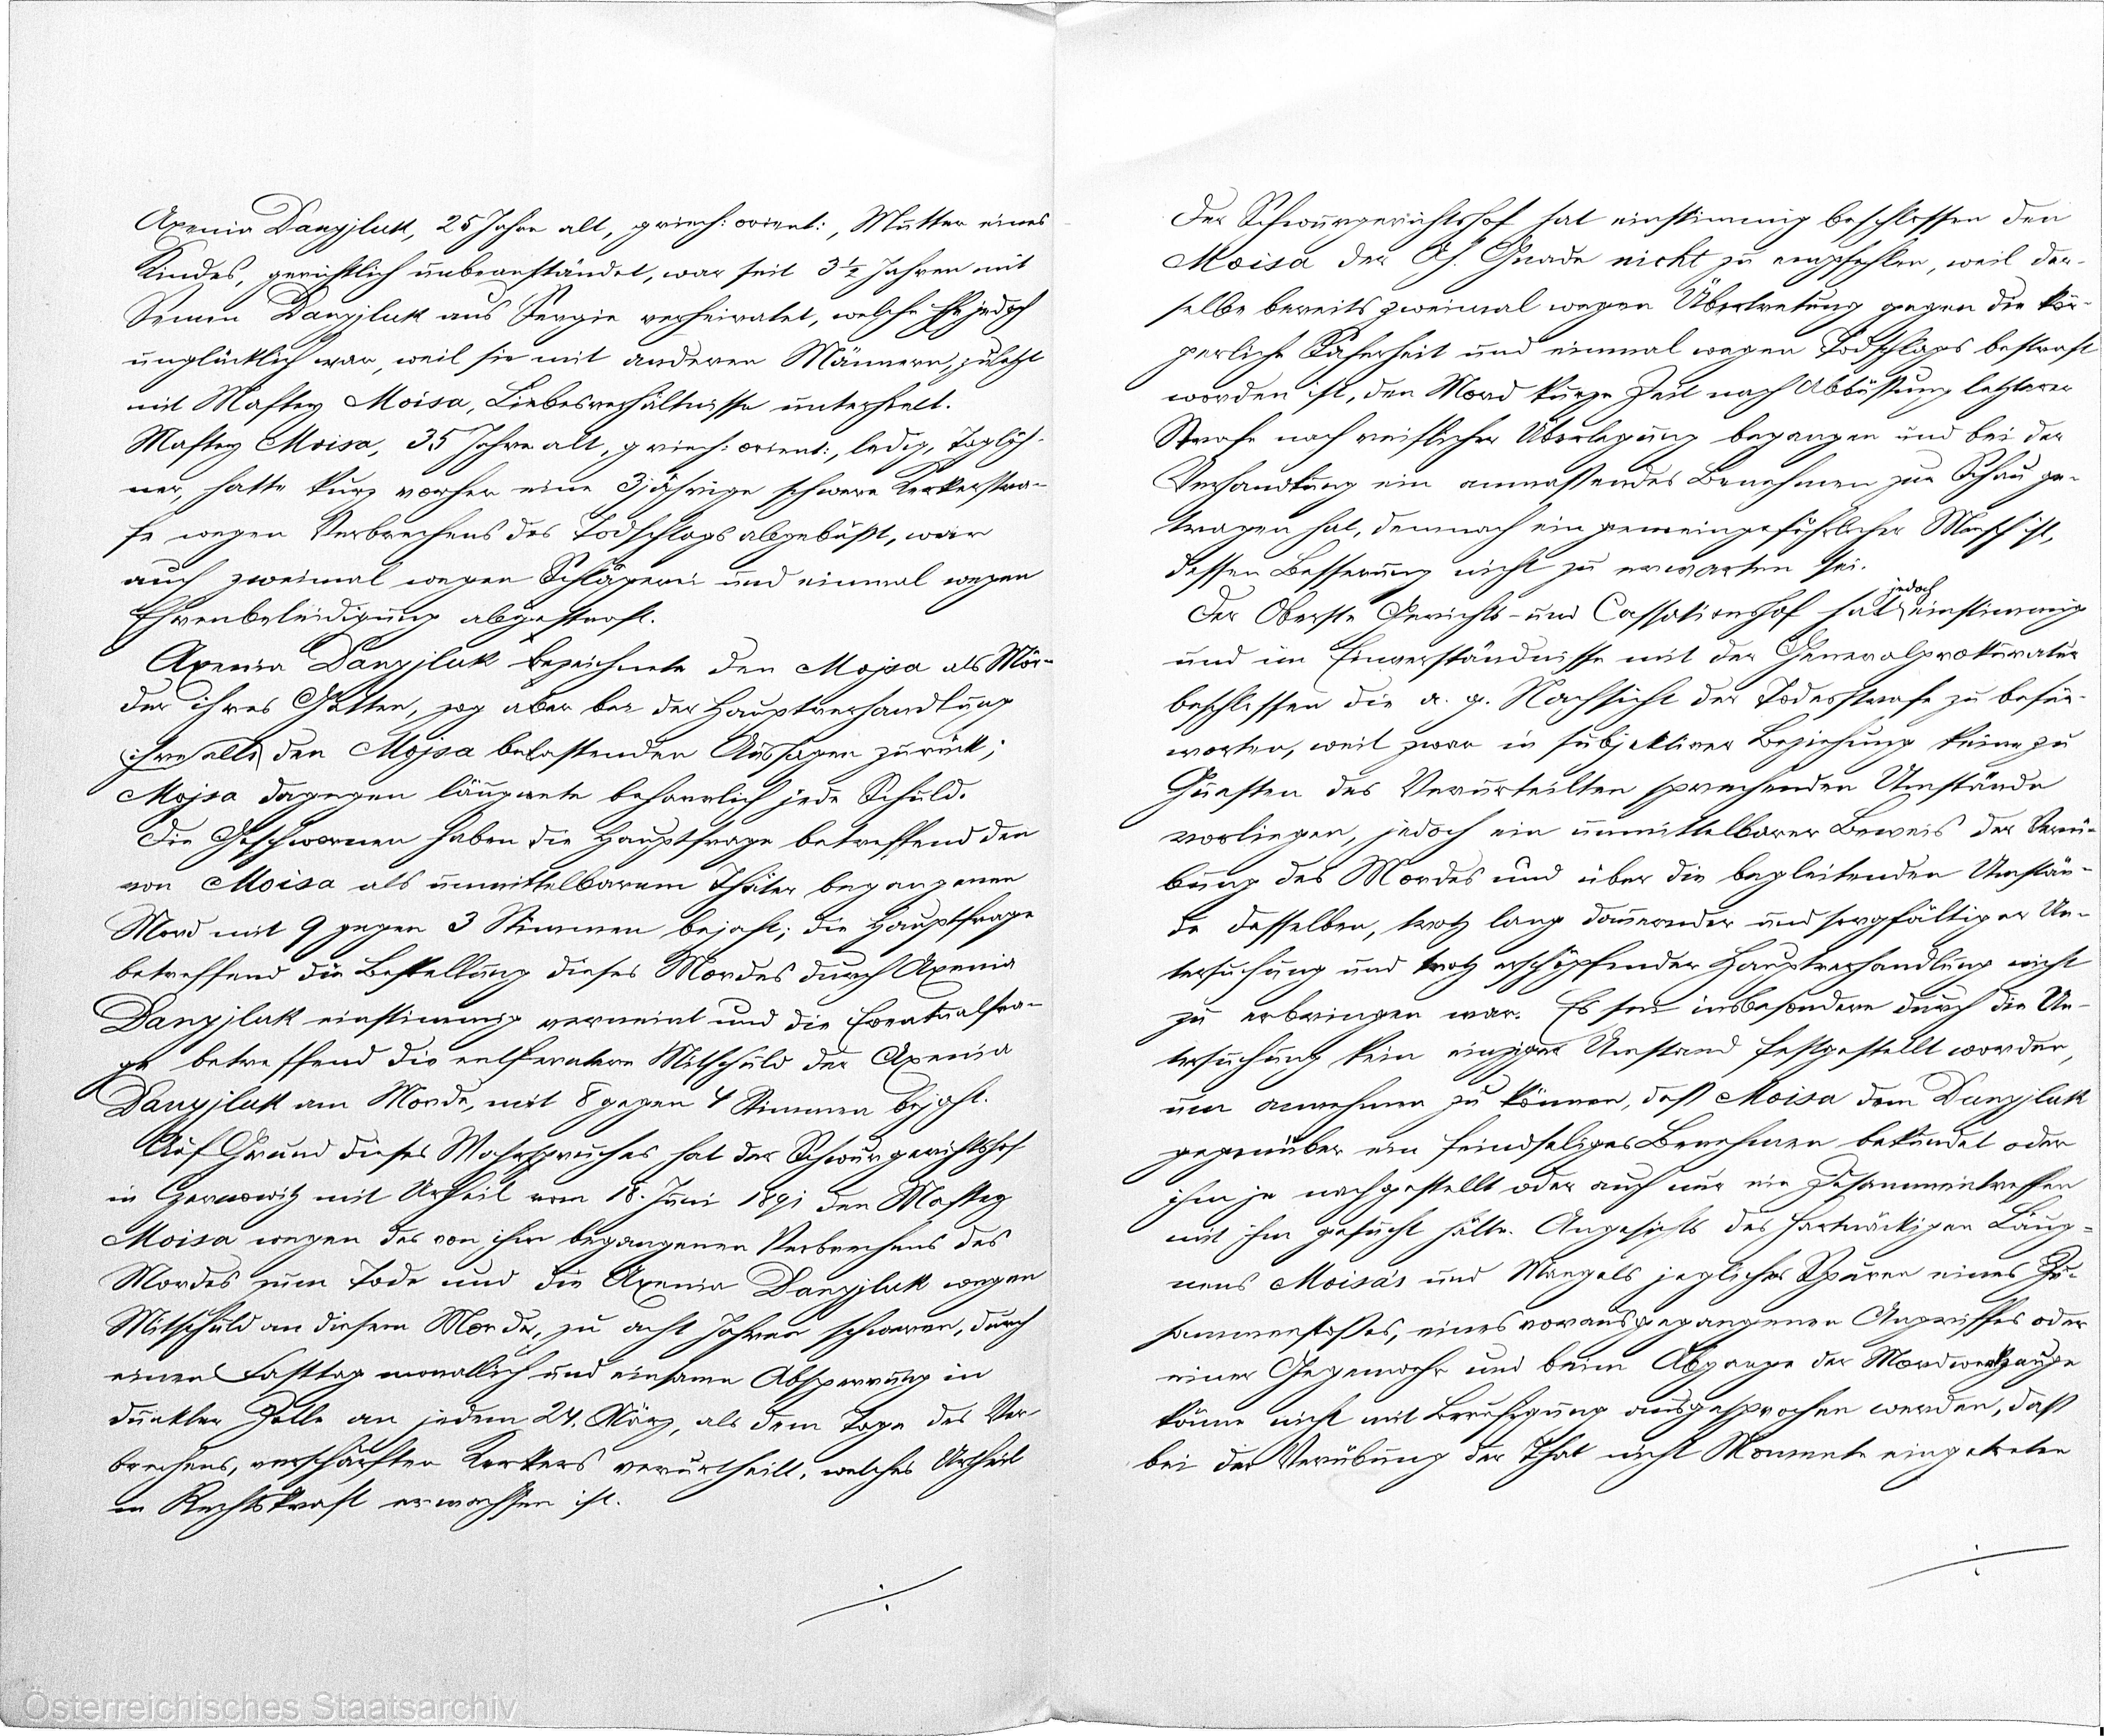Axenia Danyjluk, 25 Jahre alt, griech. orient. Mutter eines
Kindes, gerichtlich unbeanständet, war seit 3 ½ Jahren mit
Semen Danyjluk aus Sergie verheiratet, welche Ehe jedoch
unglücklich war, weil sie mit anderen Männern, zuletzt
mit Maftey Moisa, Liebesverhältnisse unterhielt.
Maftey Moisa, 3.5 Jahre alt, griech. orient., ledig, Taglöh¬
ner, hatte kurz vorher eine 3jährige schwere Kerkerstra¬
fe wegen Verbrechens des Todschlags abgebußt, war
auch zweimal wegen Schlägerei und einmal wegen
Ehrenbeleidigung abgestraft.
Axenia Danyjluk bezeichnete den Mojsa als Mör¬
der ihres Gatten, zog aber bei der Hauptverhandlung
alle ihre den Mojsa belastenden Aussagen zurück;
Mojsa dagegen läugnete beharrliche jede Schuld.
Die Geschworene haben die Hauptfrage betreffend den
von Moisa als unmittelbaren Thäter begangenen
Mord mit 9 gegen 3 Stimmen bejaht; die Hauptfrage
betreffend die Bestellung dieses Mordes durch Axenia
Danyjluk einstimmig verneint und die Eventualfra¬
ge betreffend die entferntere Mitschuld der Axenia
Danyjluk am Morde, mit 8 gegen 4 Stimmen bejaht.
Auf Grund dieses Wahrspruches hat der Schwurgerichtshof
in Czernowitz mit Urtheil vom 18. Juni 1891 den Maftey
Moisa wegen des von ihm begangenen Verbrechens des
Mordes zum Tode und die Axenia Danyjluk wegen
Mitschuld an diesem Morde, zu acht Jahren schweren, durch
einen Fasttag monatlich und einsame Absperrung in
dunkler Zelle an jedem 24. März, als dem Tage des Ver¬
brechens, verschärften Kerkers verurtheilt, welches Urtheil
in Rechtskraft erwachsen ist.
Die Schwurgerichtshof hat einstimmig beschlossen den
Moisa der Ah. Gnade nicht zu empfehlen, weil der¬
selbe bereits zweimal wegen Übertretung gegen die kör¬
perliche Sicherheit und einmal wegen Todschlages bestraft
worden ist, den Mord kürze Zeit nach Abbüßung letzterer
Strafe nach reiflicher Überlegung begangen und bei der
Verhandlung ein anmaßendes Benehmen zur Schau ge¬
tragen hat, demnach ein gemeingefährlicher Mensch ist,
dessen Besserung nicht zu erwarten sei.
jedoch
Der Oberste Gerichts- und Cassationshof hat einstimmig
und im Einverständnisse mit der Generalprokuratur
beschlossen die a.g. Nachsicht der Todesstrafe zu befür¬
worten, weil zwar in subjektiver Beziehung keiner zu
Gunsten des Verurtheilten sprechenden Umständen
vorliegen, jedoch ein unmittelbarer Beweis der Verü¬
bung des Mordes und über die begleitenden Umstän¬
de desselben, trotz lang dauernder und sorgfältiger Un¬
tersuchung und trotz erschöpfender Hauptverhandlung nicht
zu erbringen war. Es sei insbesondere durch die Un¬
tersuchung kein einziger Umstand festgestellt worden,
um annehmen zu können, daß Moisa dem Danyjluk
gegenüber ein feindseliges Benehmen bekundet oder
ihm je nachgestellt oder auch nur ein Zusammeneintreffen
mit ihm gesucht hätte. Angesichts des Hartnäckigen Läug¬
nens Moisa’s und Mangels jeglicher Spuren eines Zu¬
sammenstoßes, eines vorausgegangenen Angriffes oder
einer Gegenwehr und beim Abgange der Mordwerkzeuge
könne nicht mit Beruhigung ausgesprochen werden, daß
bei der Verübung der That nicht Momente eingetreten